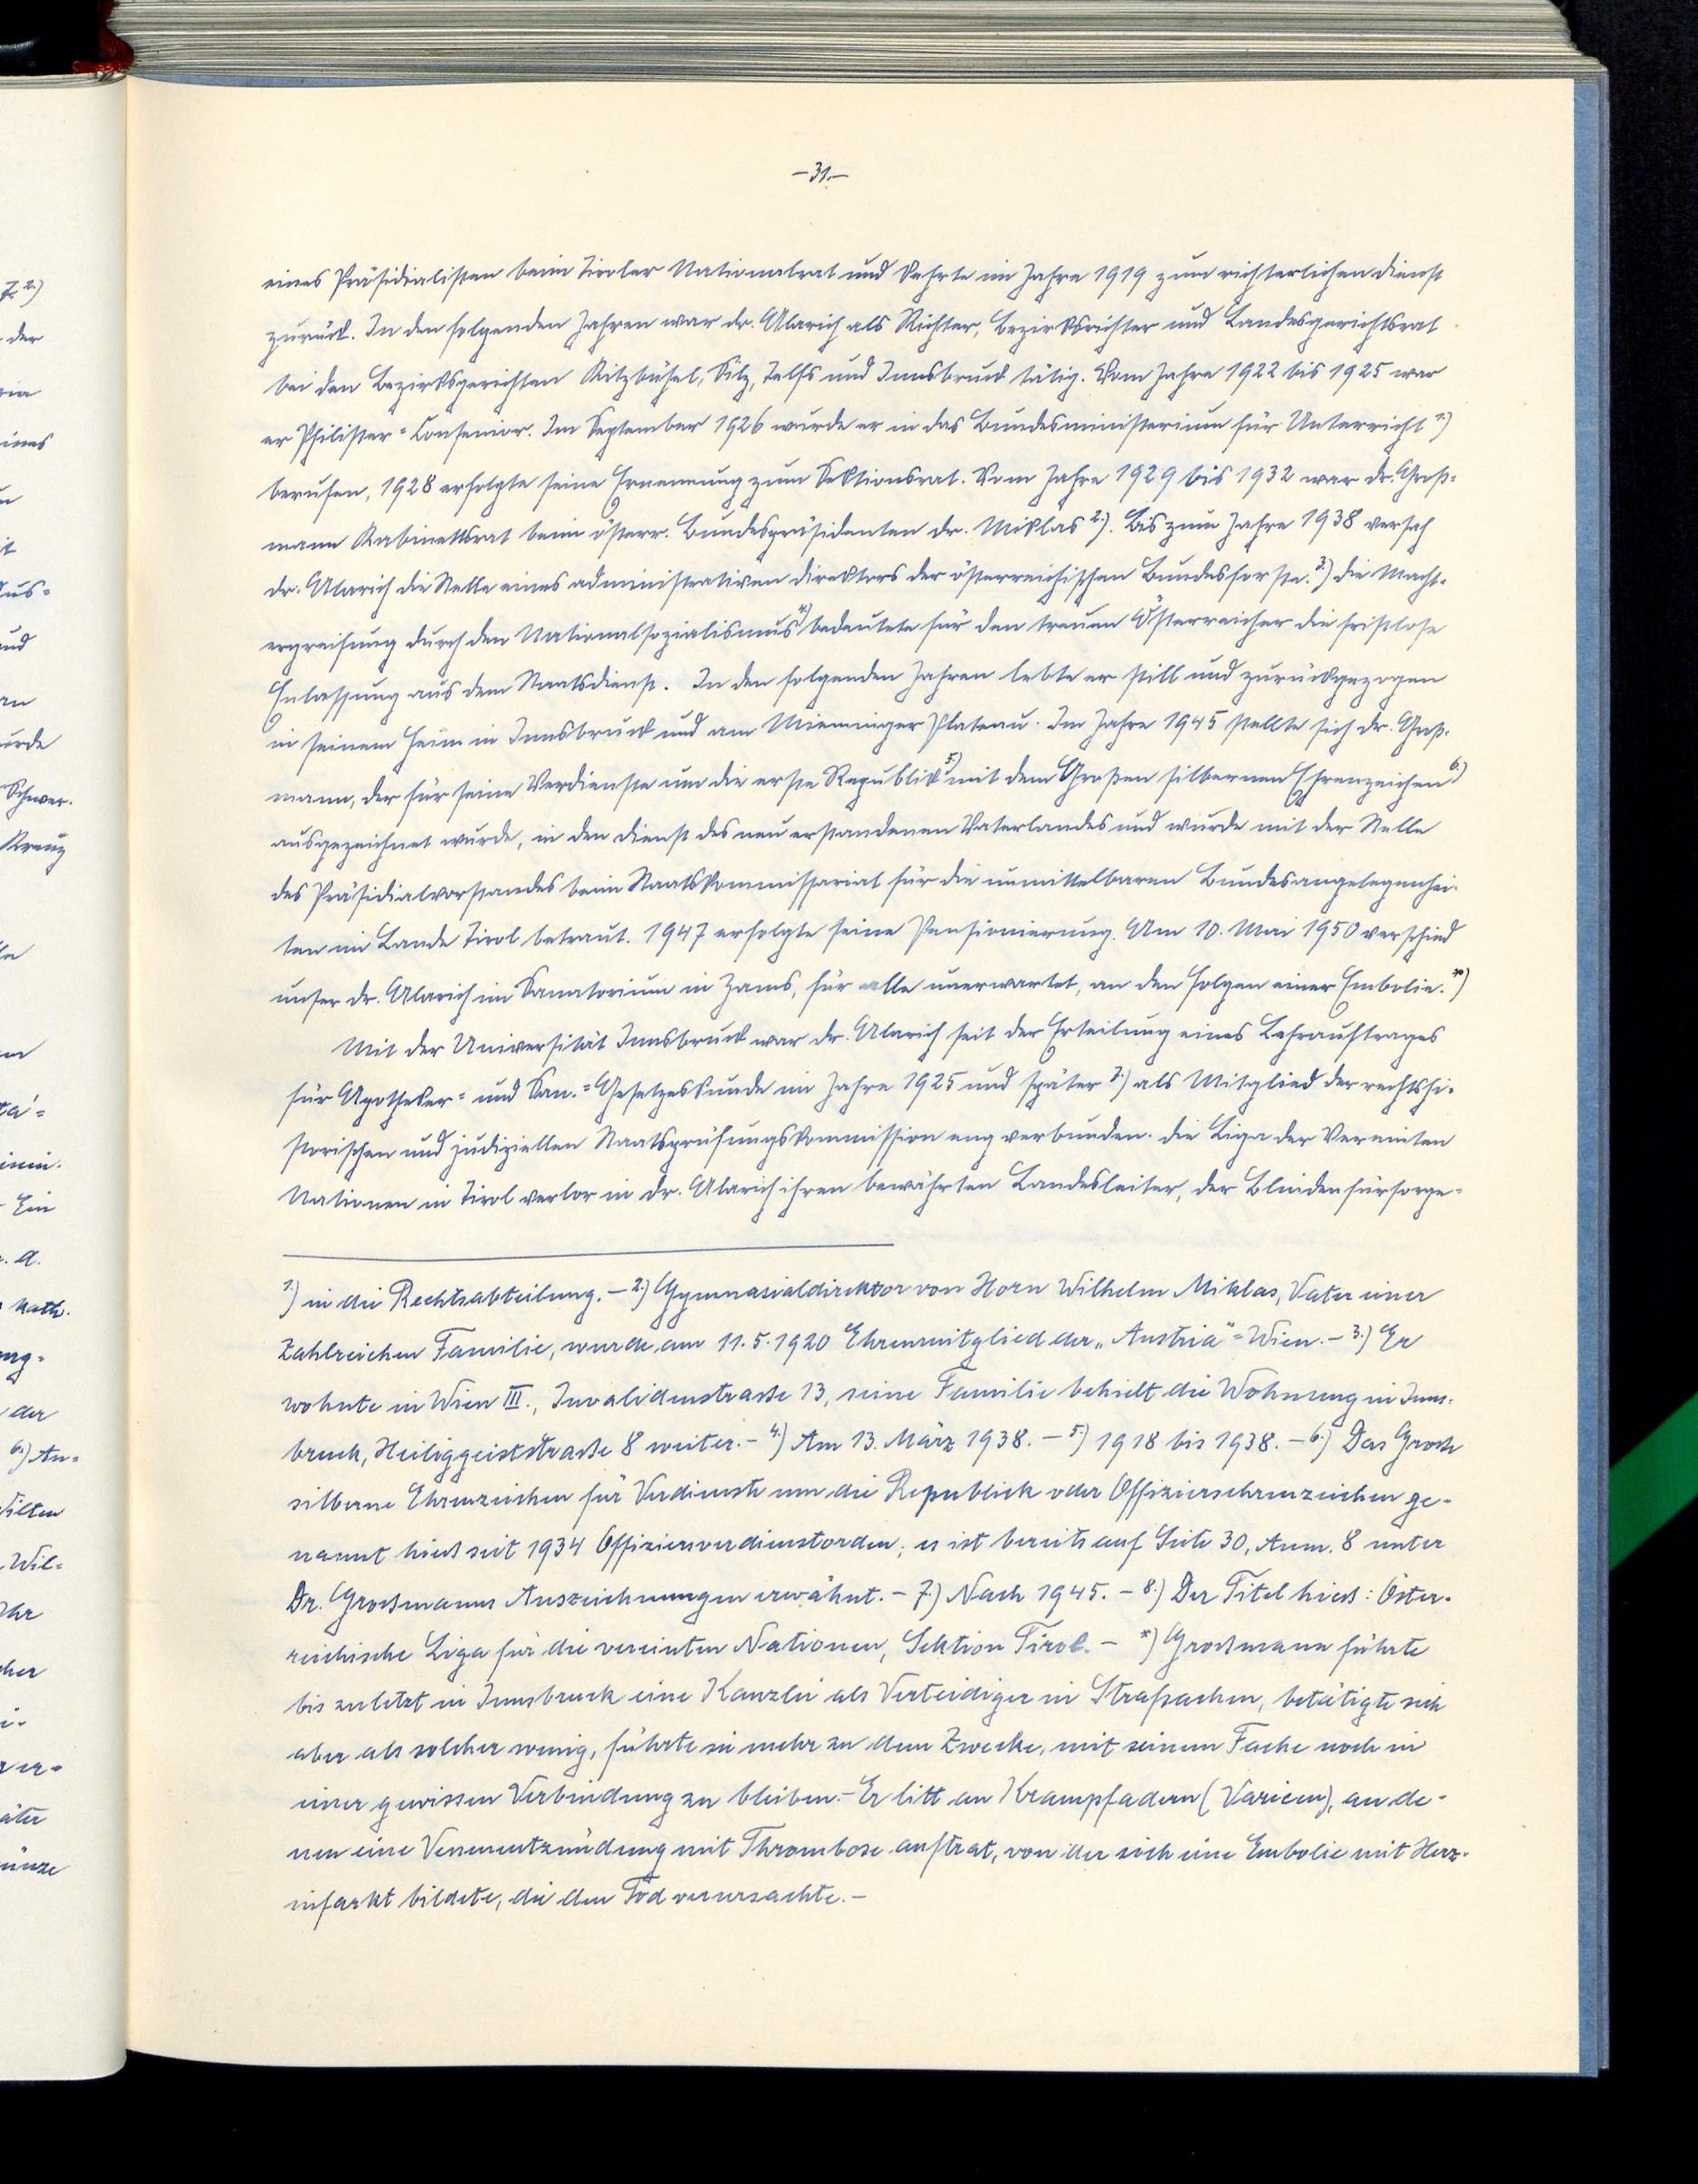31
eines Präsidialisten beim Tiroler Nationalrat und kehrte im Jahre 1919 zum richterlichen Dienst
zurück. In den folgenden Jahren war Dr. Alarich als Richter, Bezirksrichter und Landesgerichtsrat
bei den Bezirksgerichten Kitzbühel, Silz, Telfs und Innsbruck tätig. Vom Jahre 1922 bis 1925 war
er Philister-Consenior. Im September 1926 wurde er in das Bundesministerium für Unterricht 1)
berufen, 1928 erfolgte seine Ernennung zum Sektionsrat. Vom Jahre 1929 bis 1932 war Dr. Groß-
mann Kabinettsrat beim österr. Bundespräsidenten Dr. Miklas. 2) Bis zum Jahre 1938 versah
Dr. Alarich die Stelle eines administrativen Direktors der österreichischen Bundesforste. 3)
Die Machtergreifung durch den Nationalsozialismus 4) bedeutete für den treuen Österreicher die fristlose
Entlassung aus dem Staatsdienst. In den folgenden Jahren lebte er still und zurückgezogen
in seinem Heim in Innsbruck und am Mieminger Plateau. Im Jahre 1945 stellte sich Dr. Groß-
mann, der für seine Verdienste um die erste Republik 5) mit dem großen silbernen Ehrenzeichen 6)
ausgezeichnet wurde, in den Dienst des neu erstandenen Vaterlandes und wurde mit der Stelle
des Präsidialvorstandes beim Staatskommissariat für die unmittelbaren Bundesangelegenhei-
ten im Lande Tirol betraut. 1947 erfolgte seine Pensionierung. Am 10. Mai 1950 verschied
unser Dr. Alarich im Sanatorium in Zams, für alle unerwartet, an den Folgen einer Embolie *)
Mit der Universität Innsbruck war Dr. Alarich seit der Erteilung eines Lehrauftrages
für Apotheker- und San.- Gesetzeskunde im Jahre 1925 und später 7) als Mitglied der rechtshi-
storischen und judiziellen Staatsprüfungskommission eng verbunden. Sie Liga der Vereinten
Nationen in Tirol verlor in Dr. Alarich ihren bewährten Landesleiter, der Blindenfürsorge-
1) in der Rechtsabteilung.- 2) Gymnasialdirektor von Horn Wilhelm Miklas, Vater einer
zahlreichen Familie, wurde am 11.5.1920 Ehrenmitglied der „Austria“-Wien.- 3) Er
wohnte in Wien III, Invalidenstraße 13, seine Familie behielt die Wohnung in Inns-
bruck, Heiliggeiststraße 8 weiter.- 4) Am 13. März 1938.- 5) 1918-1938.- 6) Das Große
silberne Ehrenzeichen für Verdienste um die Republik oder Offiziersehrenzeichen ge-
nannt hieß seit 1934 Offiziersverdienstorden; es ist bereits auf Seite 30, Anm 8 unter
Dr. Großmanns Auszeichnungen erwähnt. – 7) Nach 1945. – 8) Der Titel hieß: Öster-
reichische Liga für die vereinten Nationen, Sektion Tirol.- * Großmann führte
bis zuletzt in Innsbruck eine Kanzlei als Verteidiger in Strafsachen, beteiligte sich
aber als solcher wenig, führte sie mehr zu dem Zwecke, mit seinem Fache noch in
einer gewissen Verbindung zu bleiben.- Er litt an Krampfadern (Varicen), an de-
nen eine Venenentzündung mit Thrombose auftrat, von der sich eine Embolie mit Herz-
infarkt bildete, die den Tod verursachte.-